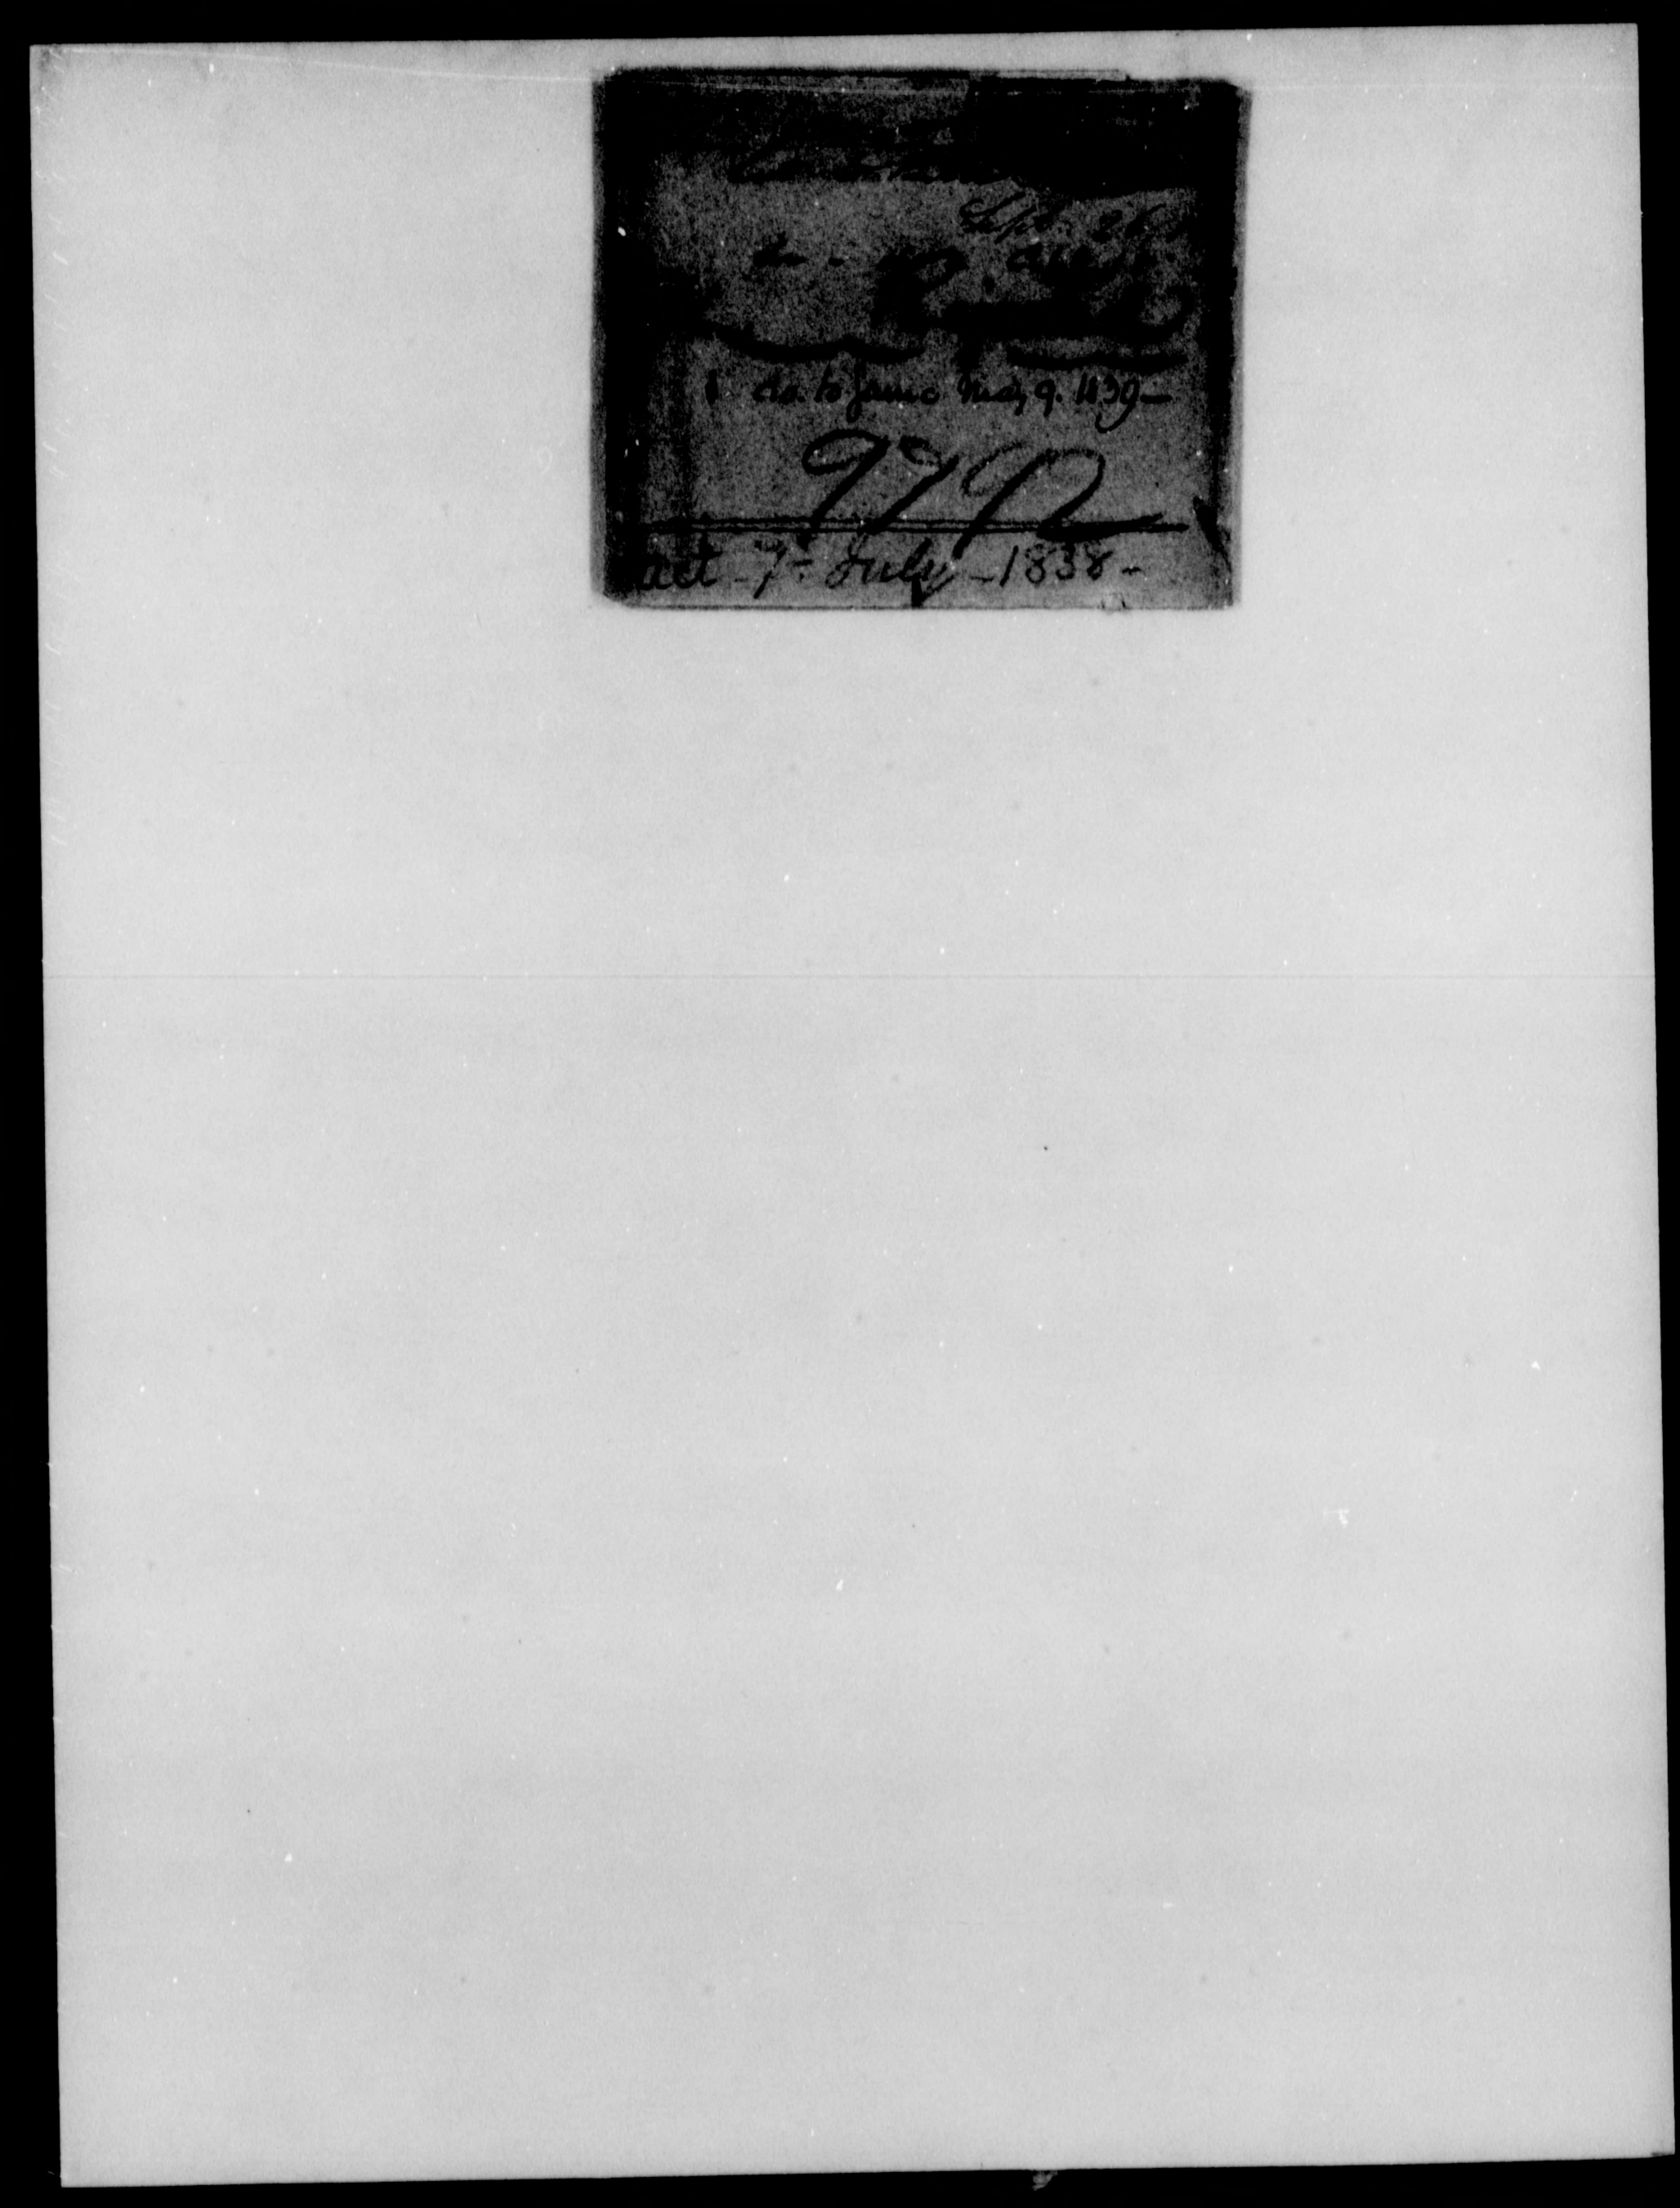[page too dark illegible]
9792
Act 7 July 1838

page: 14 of 19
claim: rejected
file: R 9792, for Benjamin Smith, Connecticut